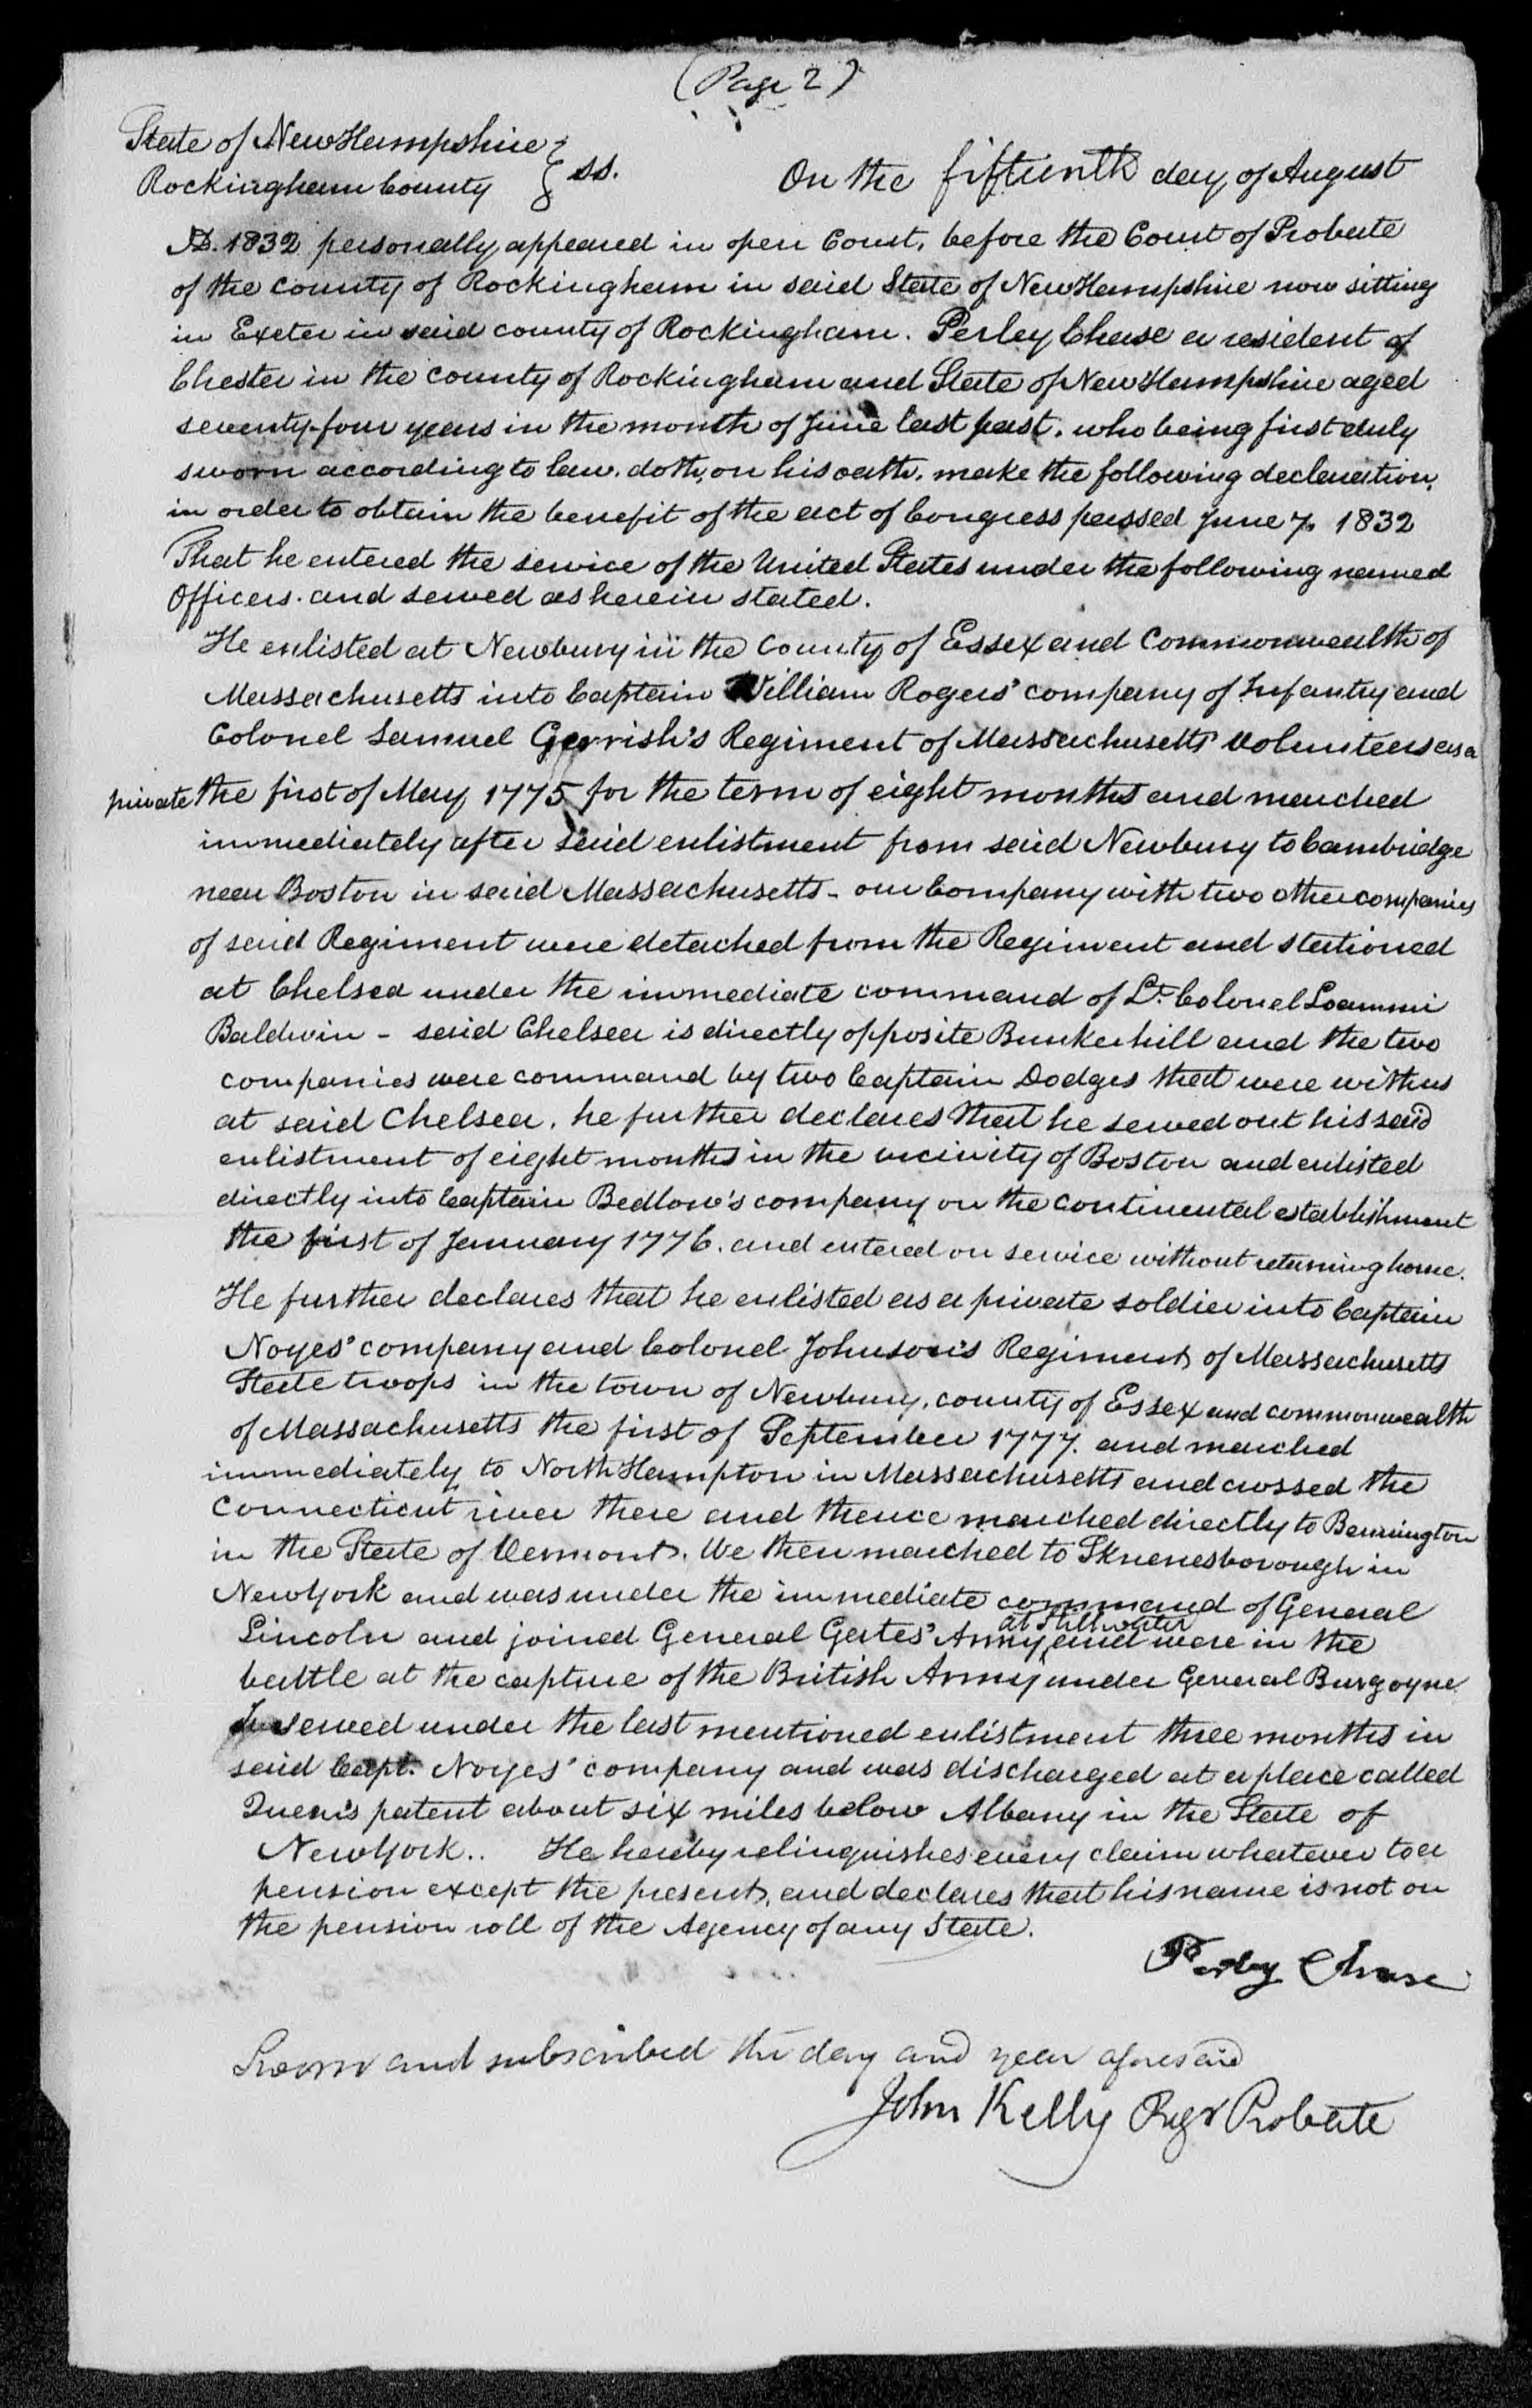(Page 2)
State of New Hampshire 
Rockingham County ss
On the fifteenth day of August
AD. 1832 personally appeared in open Court, before the Court of Probate
of the County of Rockingham in said State of New Hampshire now sitting
in Exeter in said county of Rockingham. Perley Chase a resident of
Chester in the County of Rockingham and State of New Hampshire aged
seventy-four years in the month of June last past, who being first duly
sworn according to law, doth, on his oath, make the following declaration
in order to obtain the benefit of the act of Congress passed June 7, 1832.
That he entered the service of the United States under the following named officers and served as herein stated.
He enlisted at Newbury in the County of Essex and Commonwealth of
Massachusetts into Captain William Rogers' company of Infantry and
Colonel Samuel Gerrish's Regiment of Massachusetts volunteers as a
private the first of May 1775 for the term of eight months and marched
immediately after said enlistment from said Newburg to Cambridge
near Boston in said Massachusetts, one Company with two other companies of said Regiment were detached from the Regiment and stationed at Chelsea under the immediate command of Lt. Colonel Loammi Baldwin - said Chelsea is directly opposite Bunkerhill and the two
companies were command by two Captain Dodges that were with us
at said Chelsea, he further declares that he served out his said
enlistment of eight months in the vicinity of Boston and enlisted
directly into Captain Bedlow's company on the continental establishment
the first of January 1776, and entered on service without returning home.
He further declares that he enlisted as a private soldier into Captain
Noyes company and Colonel Johnson's Regiment of Massachusetts
State troops in the town of Newbury, County of Essex and Commonwealth
of Massachusetts the first of September 1777, and marched
immediately to North Hampton in Massachusetts and crossed the
Connecticut river there and thence marched directly to Bennington
in the State of Vermont. We then marched to Skenesborough in
New York and was under the immediate command of General
Lincoln and joined General Gates Army at Stillwater and were in the
battle at the capture of the British Army under General Burgoyne.
he served under the last mentioned enlistment three months in
said Capt. Noyes company and was discharged at a place called
Queen's patent about six miles below Albany in the State of
New York. He hereby relinquishes every claim whatever to a
pension except the present, and declares that his name is not on
the pension roll of the Agency of any State.
Perley Chase
Sworn and subscribed the day and year aforesaid.
John Kelly Regr Probate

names: Loammi Baldwin, Burgoyne, Lincoln, Perley Chase, John Kelly, Dodges, Perley Chase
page: 5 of 24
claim: survivor's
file: S. 17879, Perley Chase, Continental Mass.